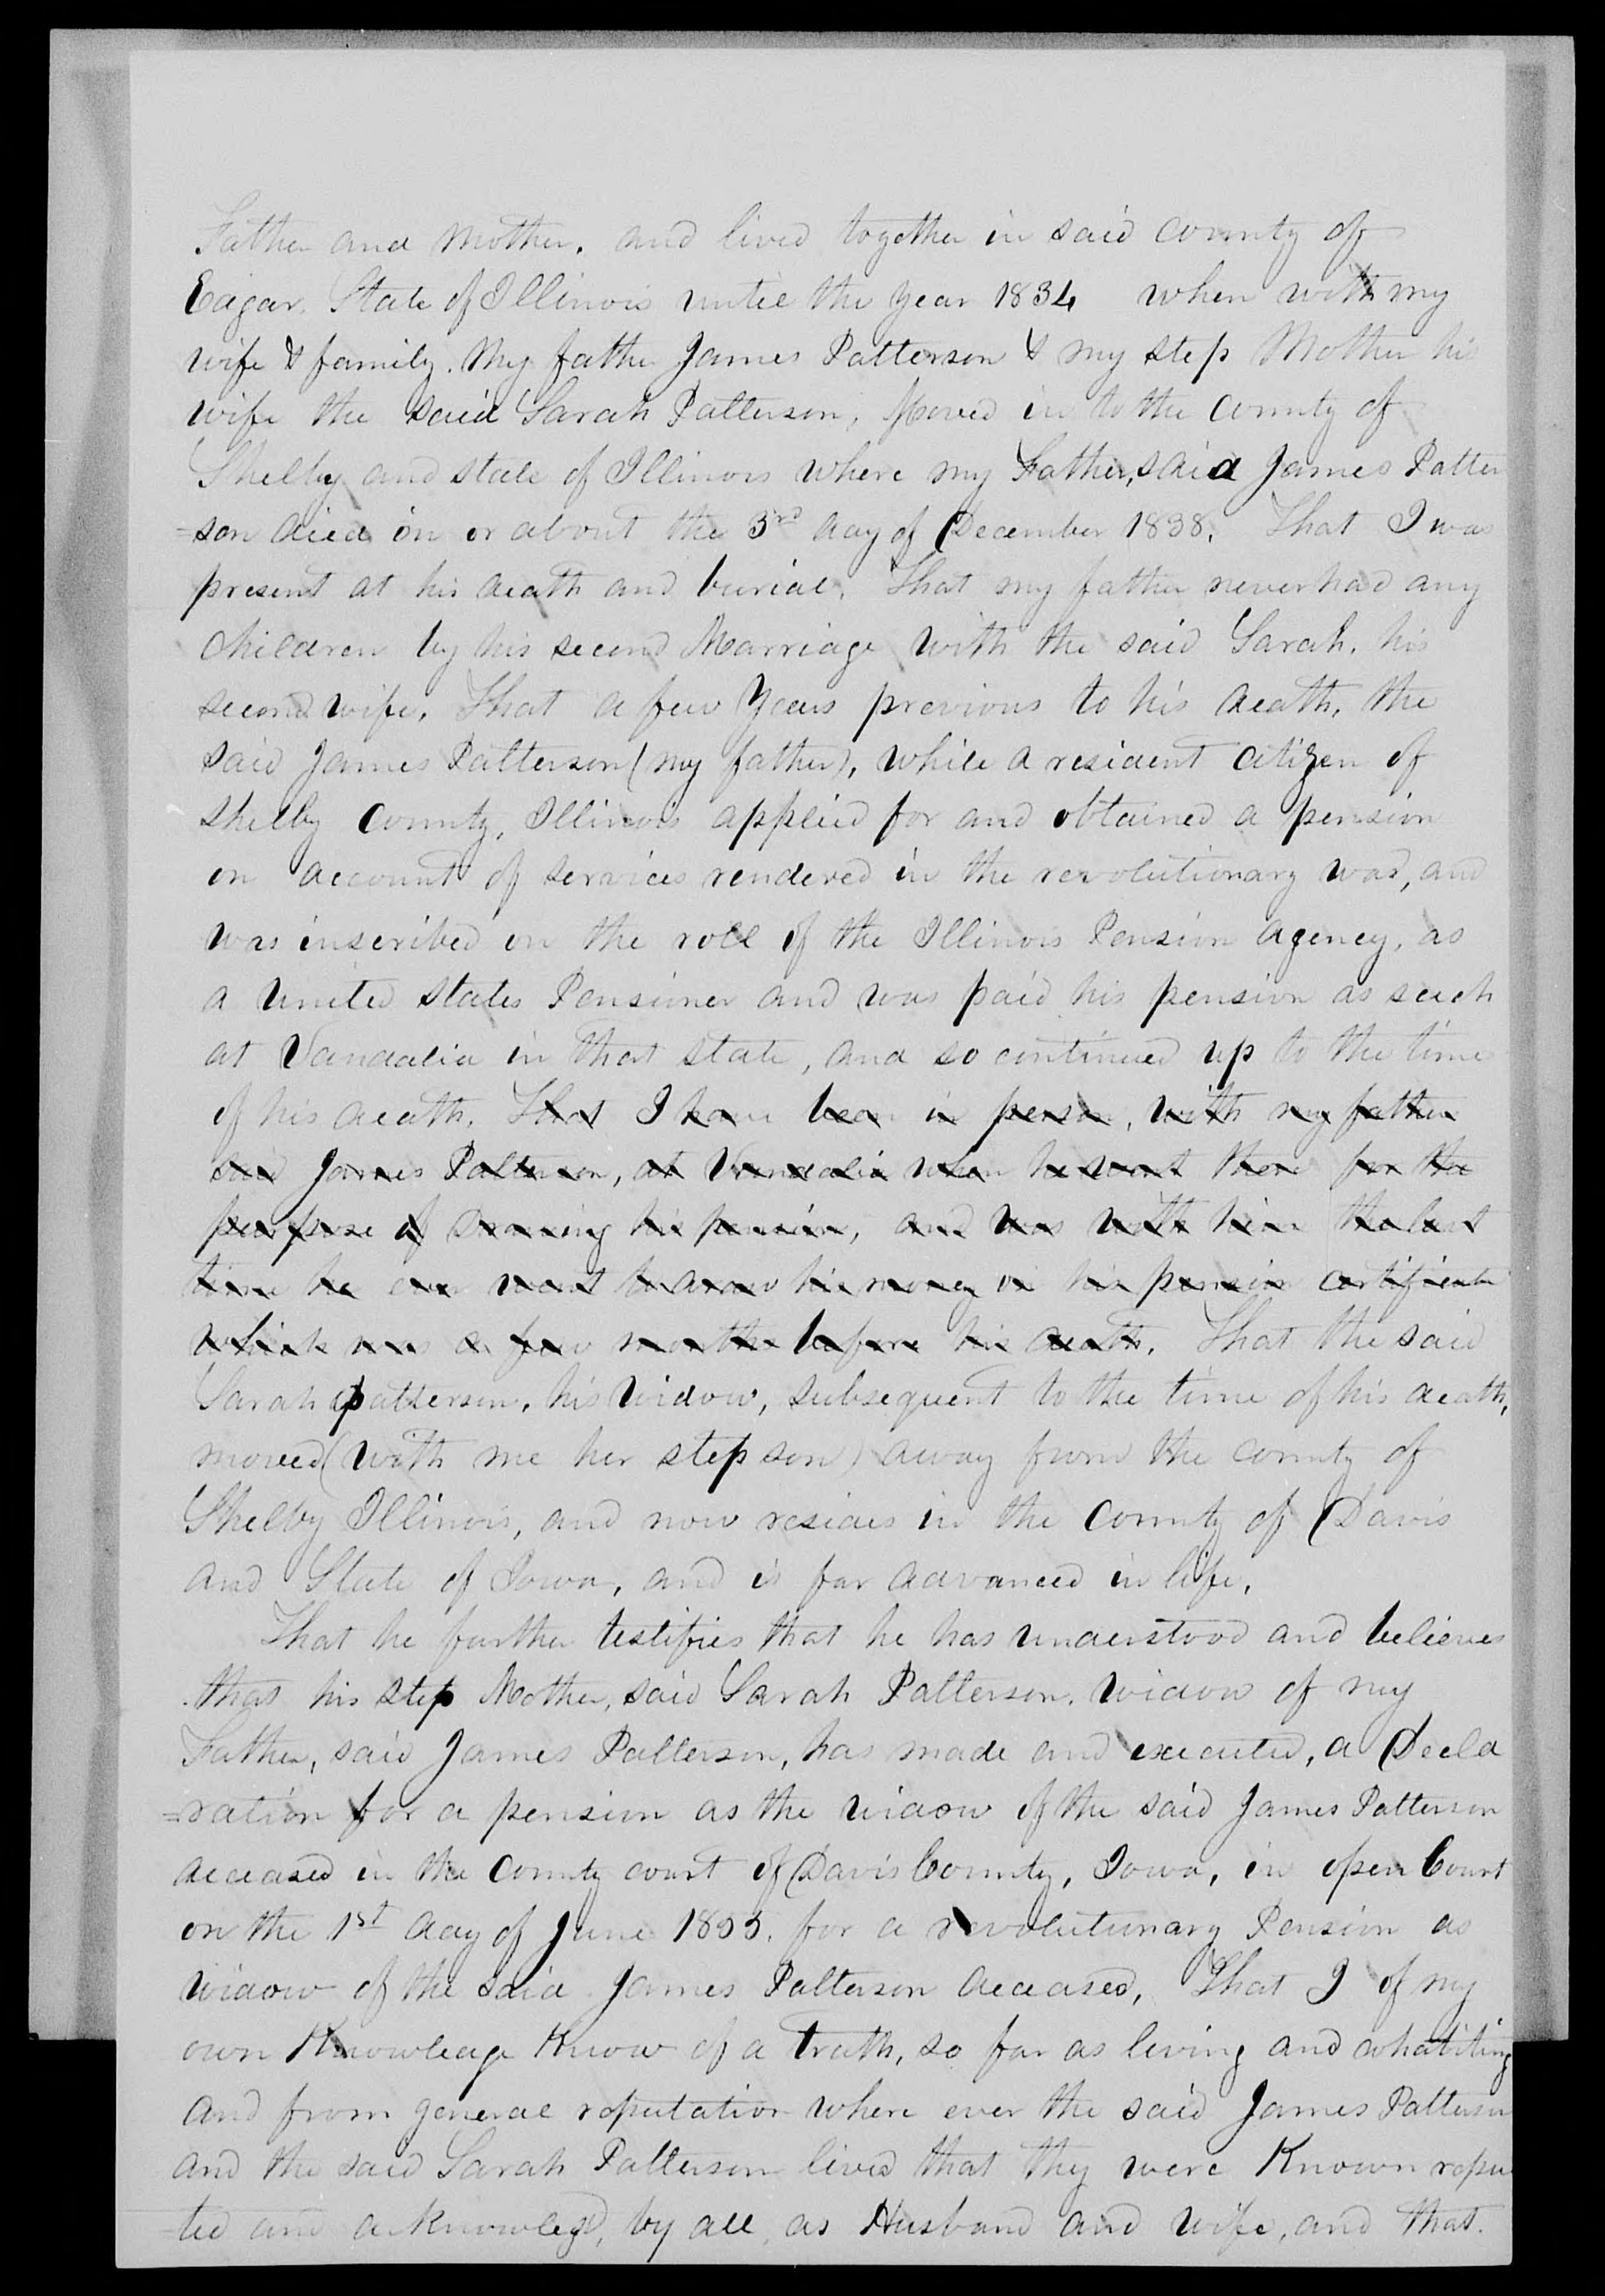Father and mother, and lived together in said County of Eagar, State of Illinois until the year 1834 when with my wife & family. My father James Patterson & my Step Mother his wife the said Sarah Patterson, moved in to the County of Shelby and State of Illinois where my Father, said James Patterson died on or about the 3rd day of December 1838. That I was present at his death and burial, that my father never had any children by his second Marriage with the said Sarah his second wife, that a few years previous to his death, the said James Patterson (my father) while a resident citizen of Shelby County, Illinois applied for and obtained a pension on account of services rendered in the revolutionary war, and was inscribed on the roll of the Illinois Pension Agency, as a United States Pensioner and was paid his pension as such at Sandalia in that state, and so continued up to the time of his death

[the following paragraph appears to have been struck out approximately one letter at a time]
, that I have been in person with my father said James Patten, at Sandalia when he went there for the purpose of drawing his pension, and was with him the last time he ever went to [illegible arand] his money in his pension certificate which was a few months his death.

That the said Sarah Patterson, his widow, subsequent to the time of his death, moved (with me her stepson) away from the County of Shelby Illinois, and now resides in the County of Davis and State of Iowa, and is far advanced in life.

That he further testifies that he has understood and believes that his step Mother, said Sarah Patterson widow of my Father, said James Patterson, has made and executed, a Declaration for a pension as the widow of the said James Patterson deceased in the County Court of Davis County, Iowa, in open Court on the 1st day of June 1853 for a revolutionary Pension as widow of the said James Patterson deceased, That I of my own knowledge know of a truth, so far as living and [illegible waiting] and from general reputation where ever the said James Patterson and the said Sarah Patterson lived that they were known reputed and acknowledged by all as Husband and wife, and that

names: James Patterson; Sarah Patterson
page: 7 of 69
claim: widow's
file: W. 10861, for James Patterson, North Carolina